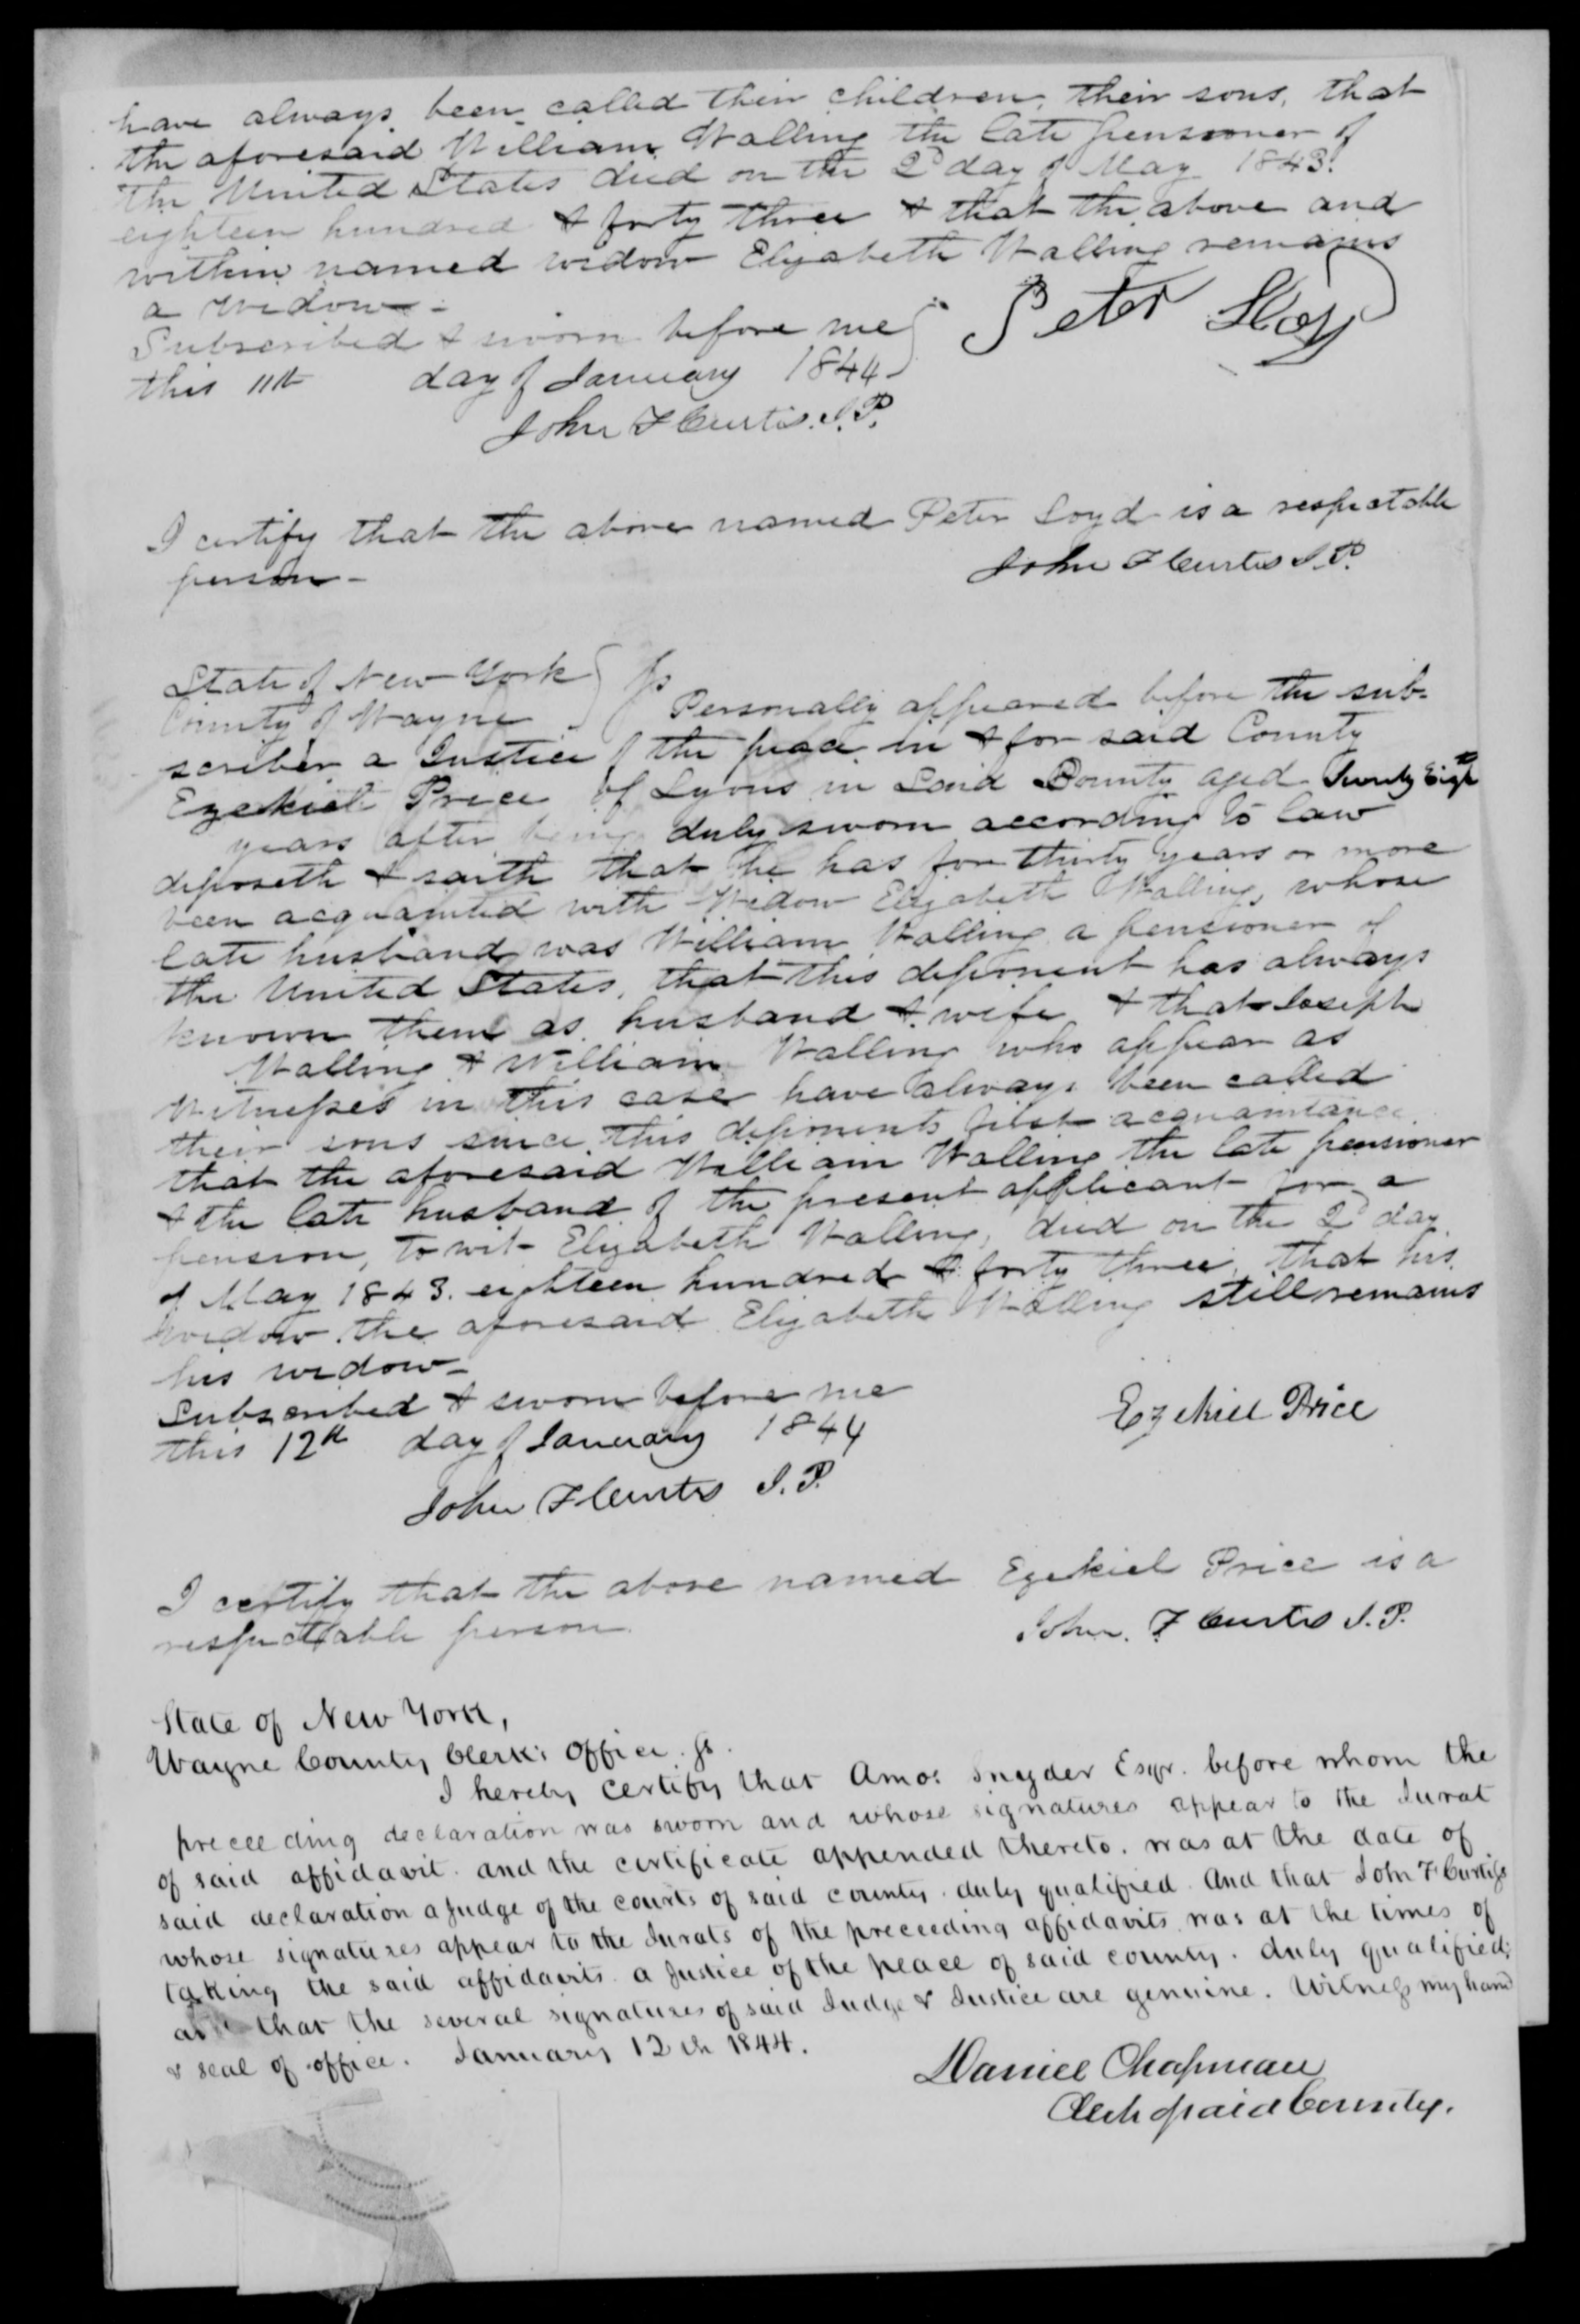have always been called their children, their sons, that the aforesaid William Walling the late pensioner of the Unites States died on the 2d day of May 1843 eighteen hundred & forty three & that the above and written named widow Elizabeth Walling remains a widow.  Subscribed & sworn before me this 11th day of January 1844 Peter Loyd, John F Curtis.  I certify that the above named Peter Loyd is a respectable person. John F Curtis, J.P.

State of New York County of Wayne Personally appeared before the subscriber a Justice of the Peace in & for said County Ezekiel Price of Lyons in said County aged (illegible) eight years after being duly sworn according to law deposeth & saith that he has for thirty years or more been acquainted with widow Elizabeth Walling whose late husband was William Walling a pensioner of the United States, that this deponent has always known them as husband & wife & that Joseph Walling & William Walling who appear as witnesses in this case have always been called their sons since this deponent's (illegible) acquaintance that the aforesaid William Walling the late pensioner & the late husband of the present applicant for a pension, to wit Elizabeth Walling, died on the 2d day of May 1843 eighteen hundred & forty three, that his widow, the aforesaid Elizabeth Walling still remains his widow.  Subscribed & sworn before me this 12th day of January 1844 Ezekiel Price, John F Curtis, J.P.  I certify that the above named Ezekiel Price is a respectable person, John F Curtis, J.P.

State of New York Wayne County Clerk's Office  I hereby certify that Amos Snyder Esq before whom the preceding declaration was sworn and whose signature appears to the (illegible) of said affidavit and the certificate appended thereto was at the date of said declaration a judge of the courts of said county duly qualified and that John F Curtis whose signatures appear to the (illegible) of the preceding affidavits was at the times of taking the said affidavits a Justice of the Peace of said county duly qualified and that the several signatures of said Judge and Justice are genuine.  Witness my hand & seal of office. January 12th 1844. Daniel Chapman Clerk of said County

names: Ezekiel Price, Joseph Walling, Ezekiel Price, John F Curtiss, Peter Loyd, Elizabeth Walling, William Walling, Elizabeth Walling, Elizabeth Walling, Amos Snyder, John F Curtis, William Walling, John F Curtis, Elizabeth Walling, Ezekiel Price, William Walling, John F Curtis, Peter Lloyd, John F Curtis, William Walling, Daniel Chapman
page: 9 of 66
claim: widow's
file: W. 19588, William Walling, New Jersey